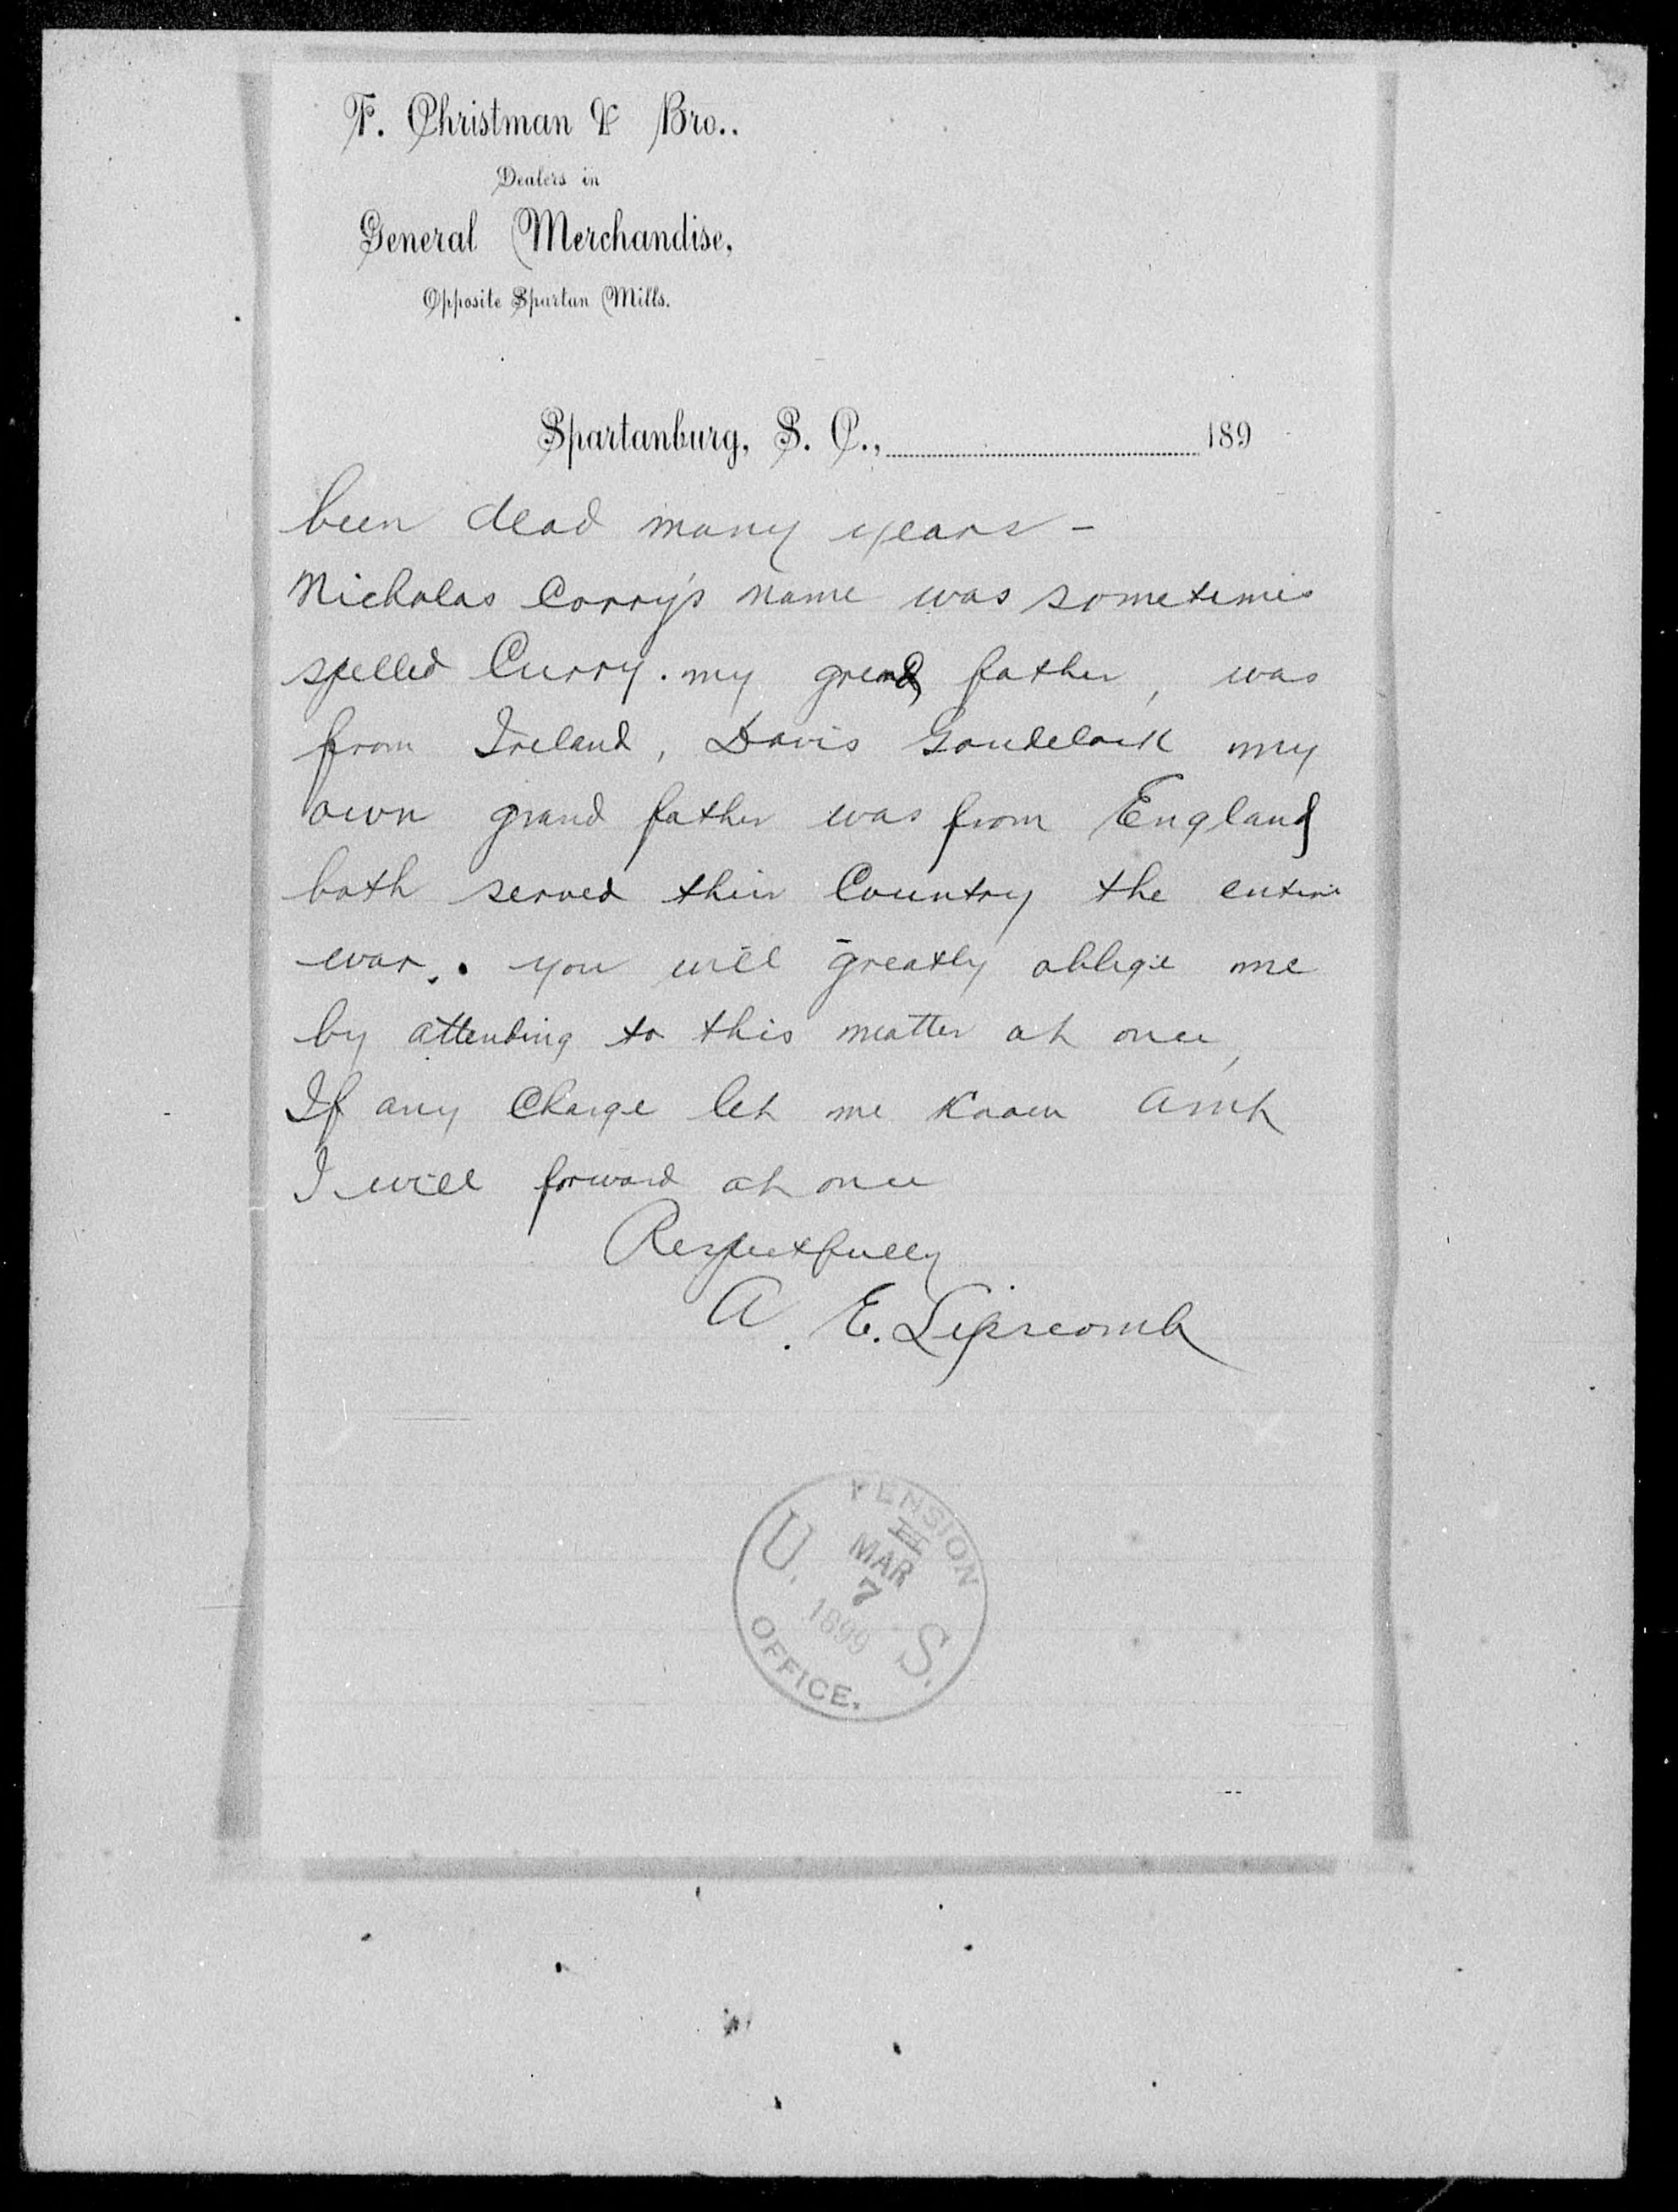F. Christman & Bro..
Dealers in
General Merchandise,
Opposite Spartan Mills
Spartanburg, S. C.  [blank space] 189

been dead many years - Nicholas Corry's name was sometimes spelled Curry.  my grand father was from Ireland, Davis Goudelock my own grand father was from England  both served their country the entire war.  you will greatly oblige me by attending to this matter at once, 
 If any charge let me know amt I will forward at once
Respectfully
A. E. Lipscomb

PENSION
MAR
U.  7  S.
1899
OFFICE.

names: Davis Goudelock, A E Libscomb, Curry, Nicholas Corry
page: 14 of 18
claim: survivor's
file: S. 21,236, Davis Goudelock, S.C.